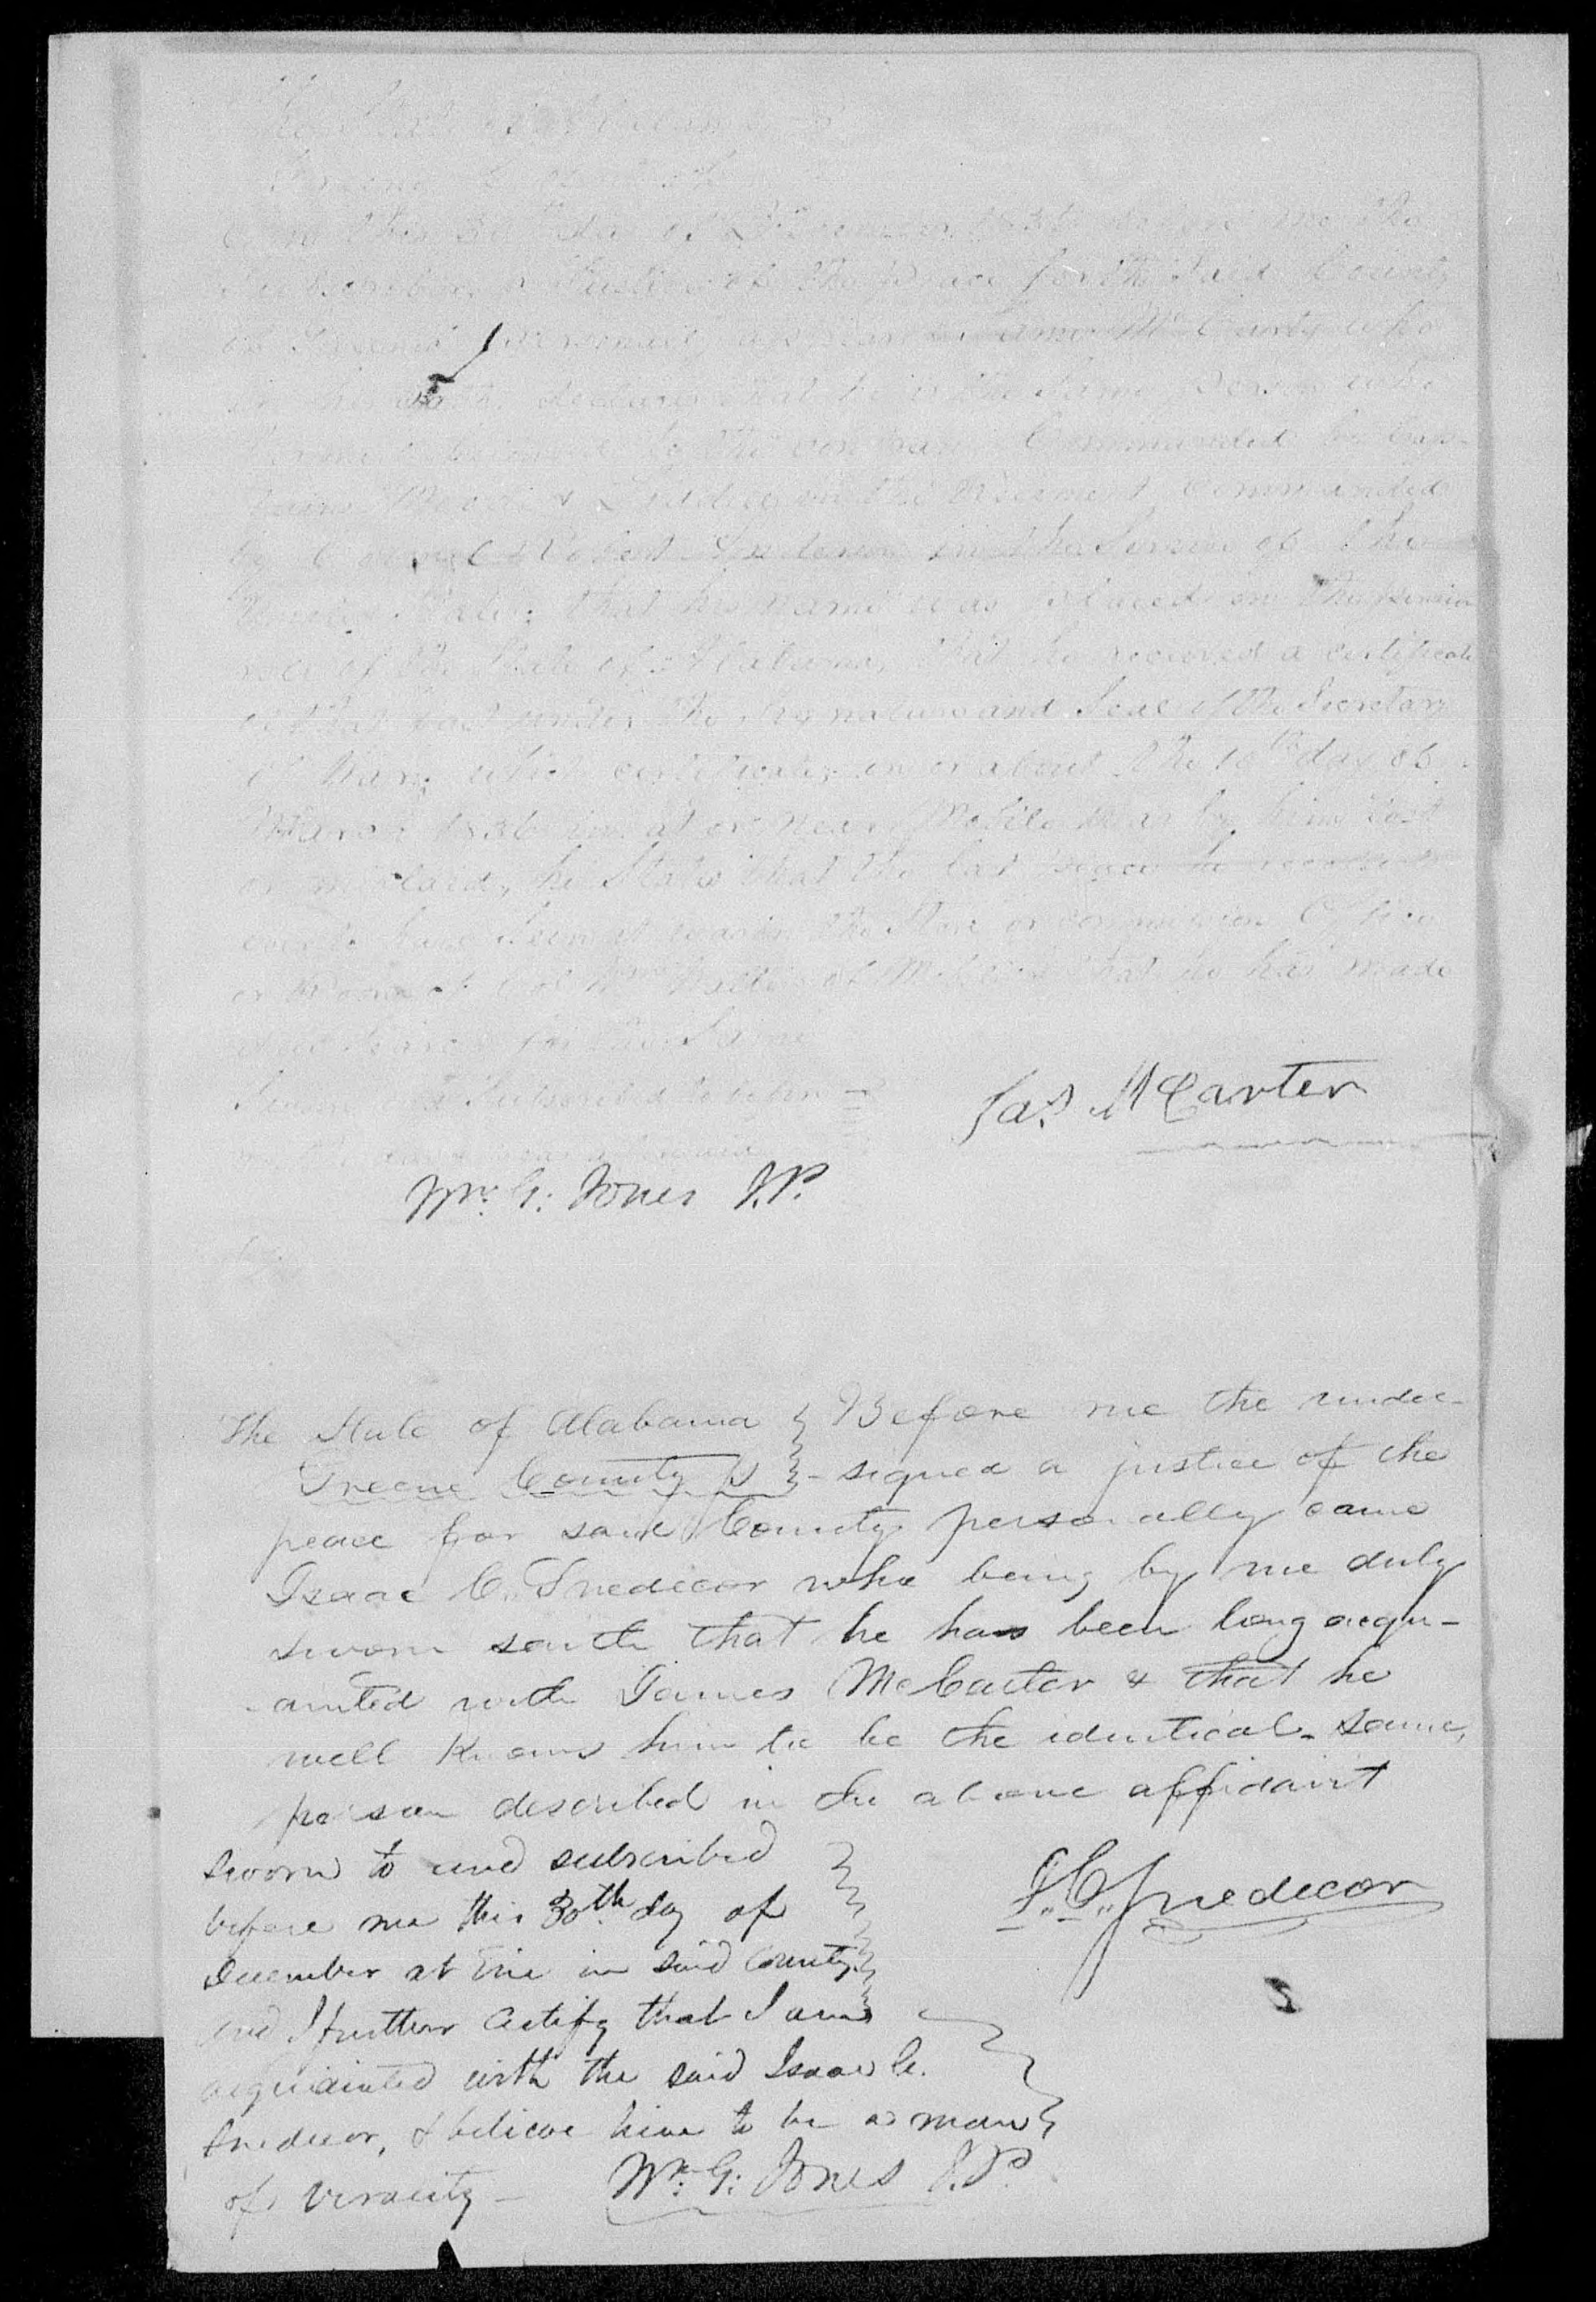[Top half of document is too faint to read, illegible]

Jas M Carter
Wm G. Jones J.P.

The State of Alabama}
Greene County}

Before me the undersigned a justice of the
peace for said County personally came
Isaac C. Snedecor who being by me duly
sworn saith that he has been long acquainted
with James McCarter & that he well knows him to be the identical same, person described in the above affidavit

I.C. Snedecor

Sworn to and subscribed before me this 30th day of December at [illegible] in said County
and further certify that I am acquainted with the said Isaac C Snedecor + believe him to be a man of veracity -
Wm G. Jones J P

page: 41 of 45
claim: survivor's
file: S. 13,890, for James Mc Carter, South Carolina